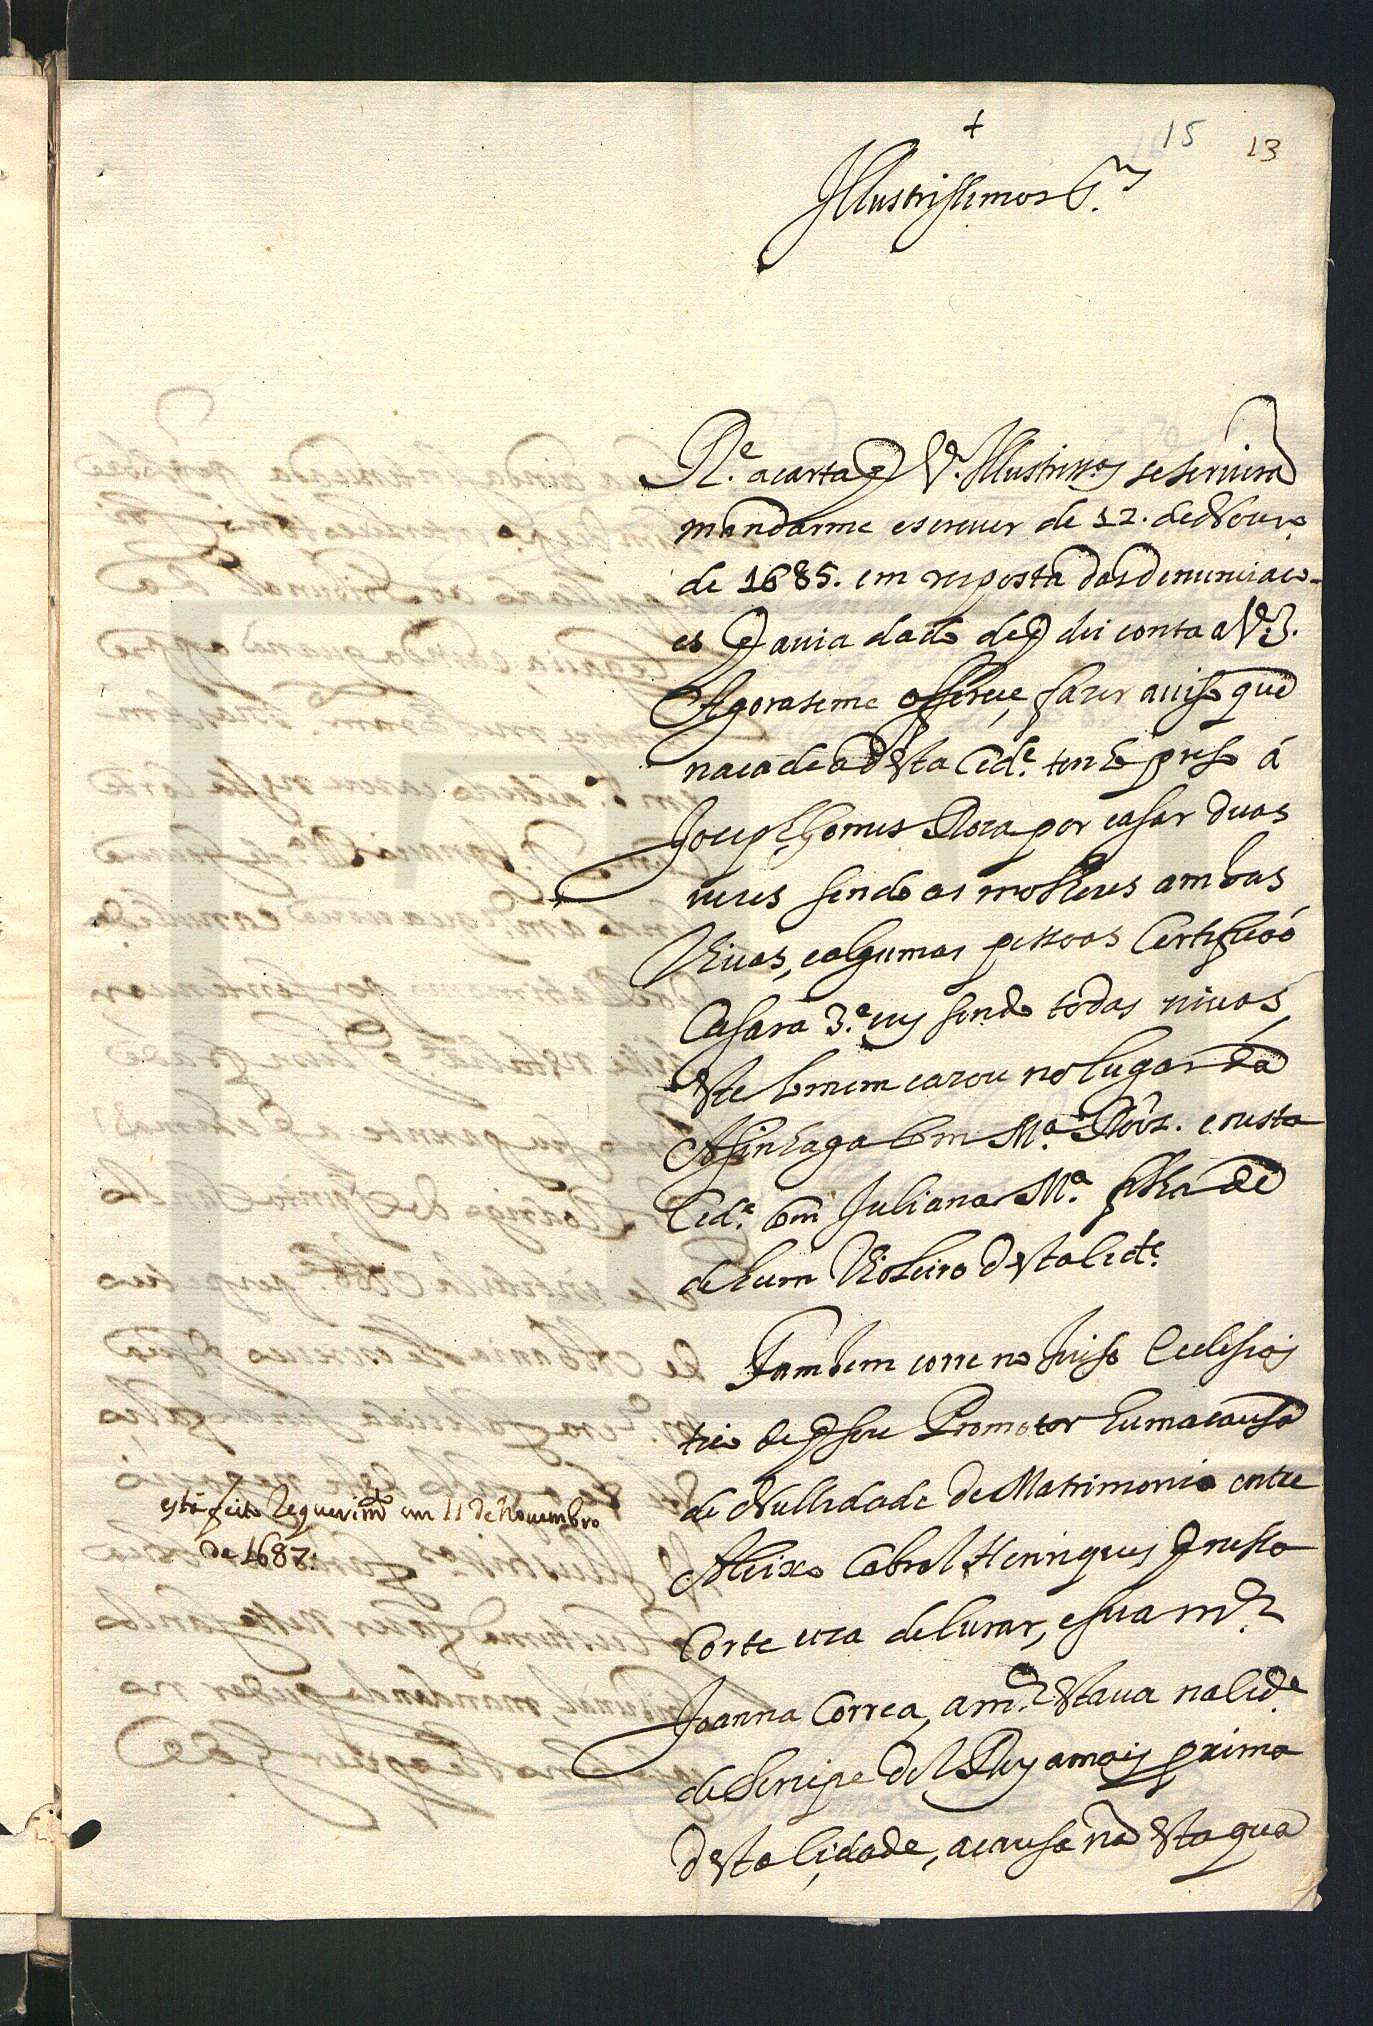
Jllustrissimos S.res
R.e a carta q̄ V. Illustriss.as se seruirã
mandarme escreuer de 12. de Nouro.
de 1685. em resposta das denunciaco
es q̄ auia dado de q̄ dei conta a V. S.
Agora se me offereçe fazer auiso que
na cadea desta cid.e tenho preso á
Jozeph Gomes Roza por casar duas
uezes sendo as molheres ambas
Viuas, e algumas pessoas Certificaõ
Casara 3.a ues sendo todas uiuas,
este homem cazou no lugar da
Asinhaga Com M.a Roīz. e nesta
Cid.e Com Juliana M.a filha de
de hum VioLeiro desta Cid̄e.
Tambem corre no Iuizo Ecclesias
tico de q̄ sou Promotor huma causa
de Nullidade de Matrimonio entre
Aleixo Cabral Henriques q̄ nessa
Corte uza de Curar, e sua mer.
Joanna Correa, a m.er estaua na Cid.e
de Seriipe del Rey a mais ꝓxima
desta Çidade, a causa naõ esta qua
está feito Requerimto em 11 de Nouembro
de 1687:
